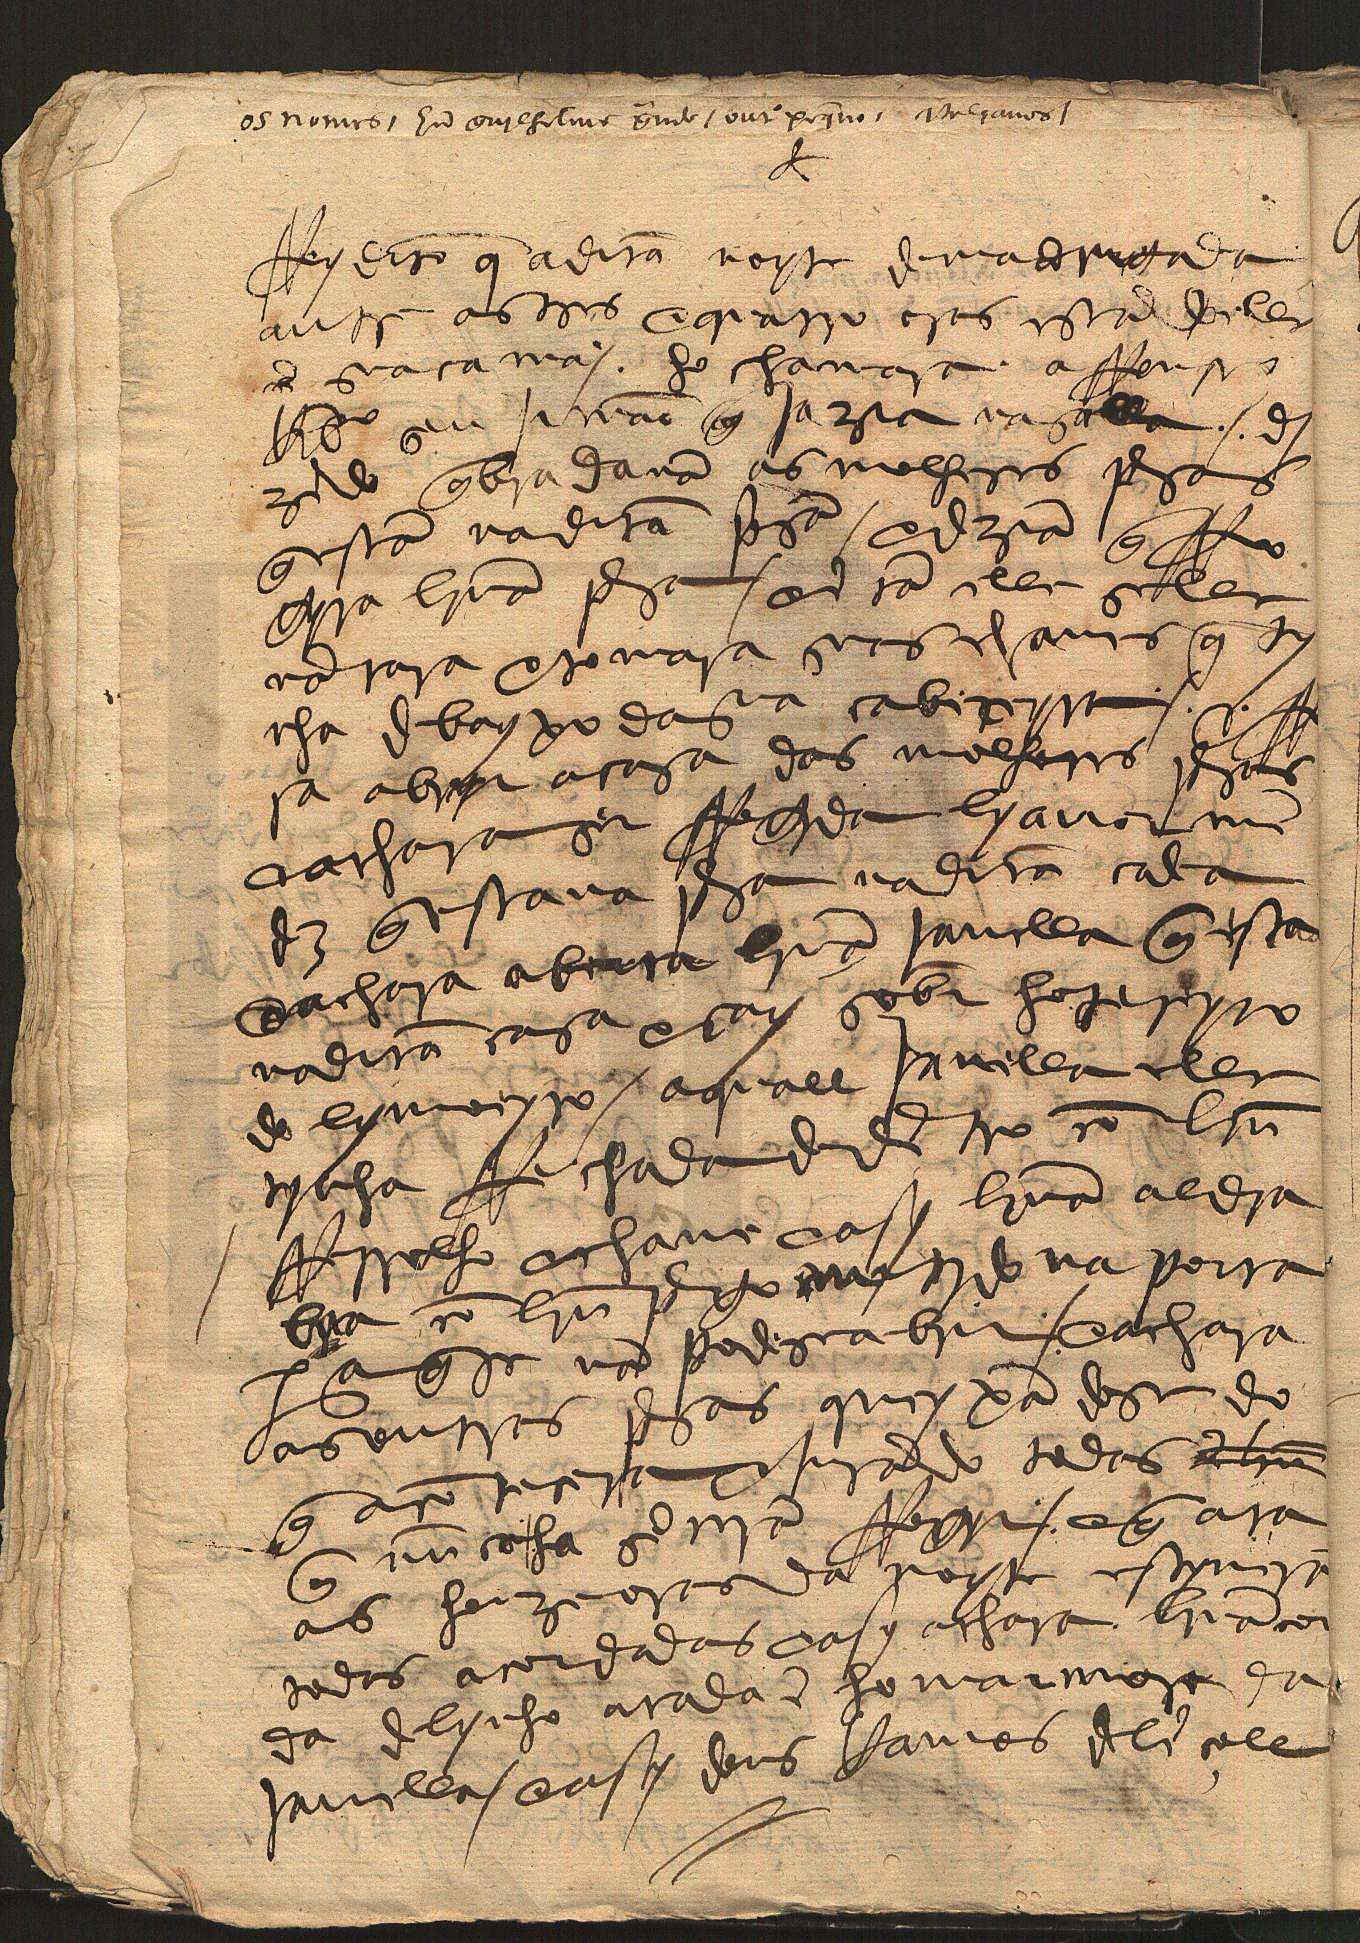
os nomes / hū gujlhelme ḡnde / outo peq̄no / Italjanos /
ffoy dito q̄ a dita noyte de madrugada
antre as tres e quatro oras estādo elle
ē sua cama./. ho chamara affonsso
Ribro seu Jrmão q̄ Jazia na salla ./. dj
zēdo q̄ bradauā as molheres p̄sas
q̄ estā na dita p̄sā / e deziā q̄ ffo
gyra huā p̄sa / e ētā elle se lle
uātara e tomar suas chaues q̄ ty
nha debayxo da sua cabeceyra ./. e ffo
ra abryr a casa das molheres p̄sas
e achara ser ffogyda lyanor mē
dez q̄ estaua p̄sa na dita cadea
e achara aberta huā Janella q̄ esta
na dita casa e cay sob̄r ho tereyro
do lymoeyro / a quall Janella elle
tynha ffechada de dētro com hū
fferrolho e chaue e asy huā aldra
baa c̄o hū p̄go metjdo na porta
ꝑa q̄ se nā podese abrir ./. e achara
as outras p̄sas queyxādose do
q̄ ac̄otecera e Jurādo todas ē hū
q̄ nūca ha sētirā ffogyr ./. e q̄ ata
as honze oras da noyte estyuerā
todas acordadas e asy achara huā cor
da de lynho atada ē ho marmore da
Janella / e asy dous Ramos de lēçoll
